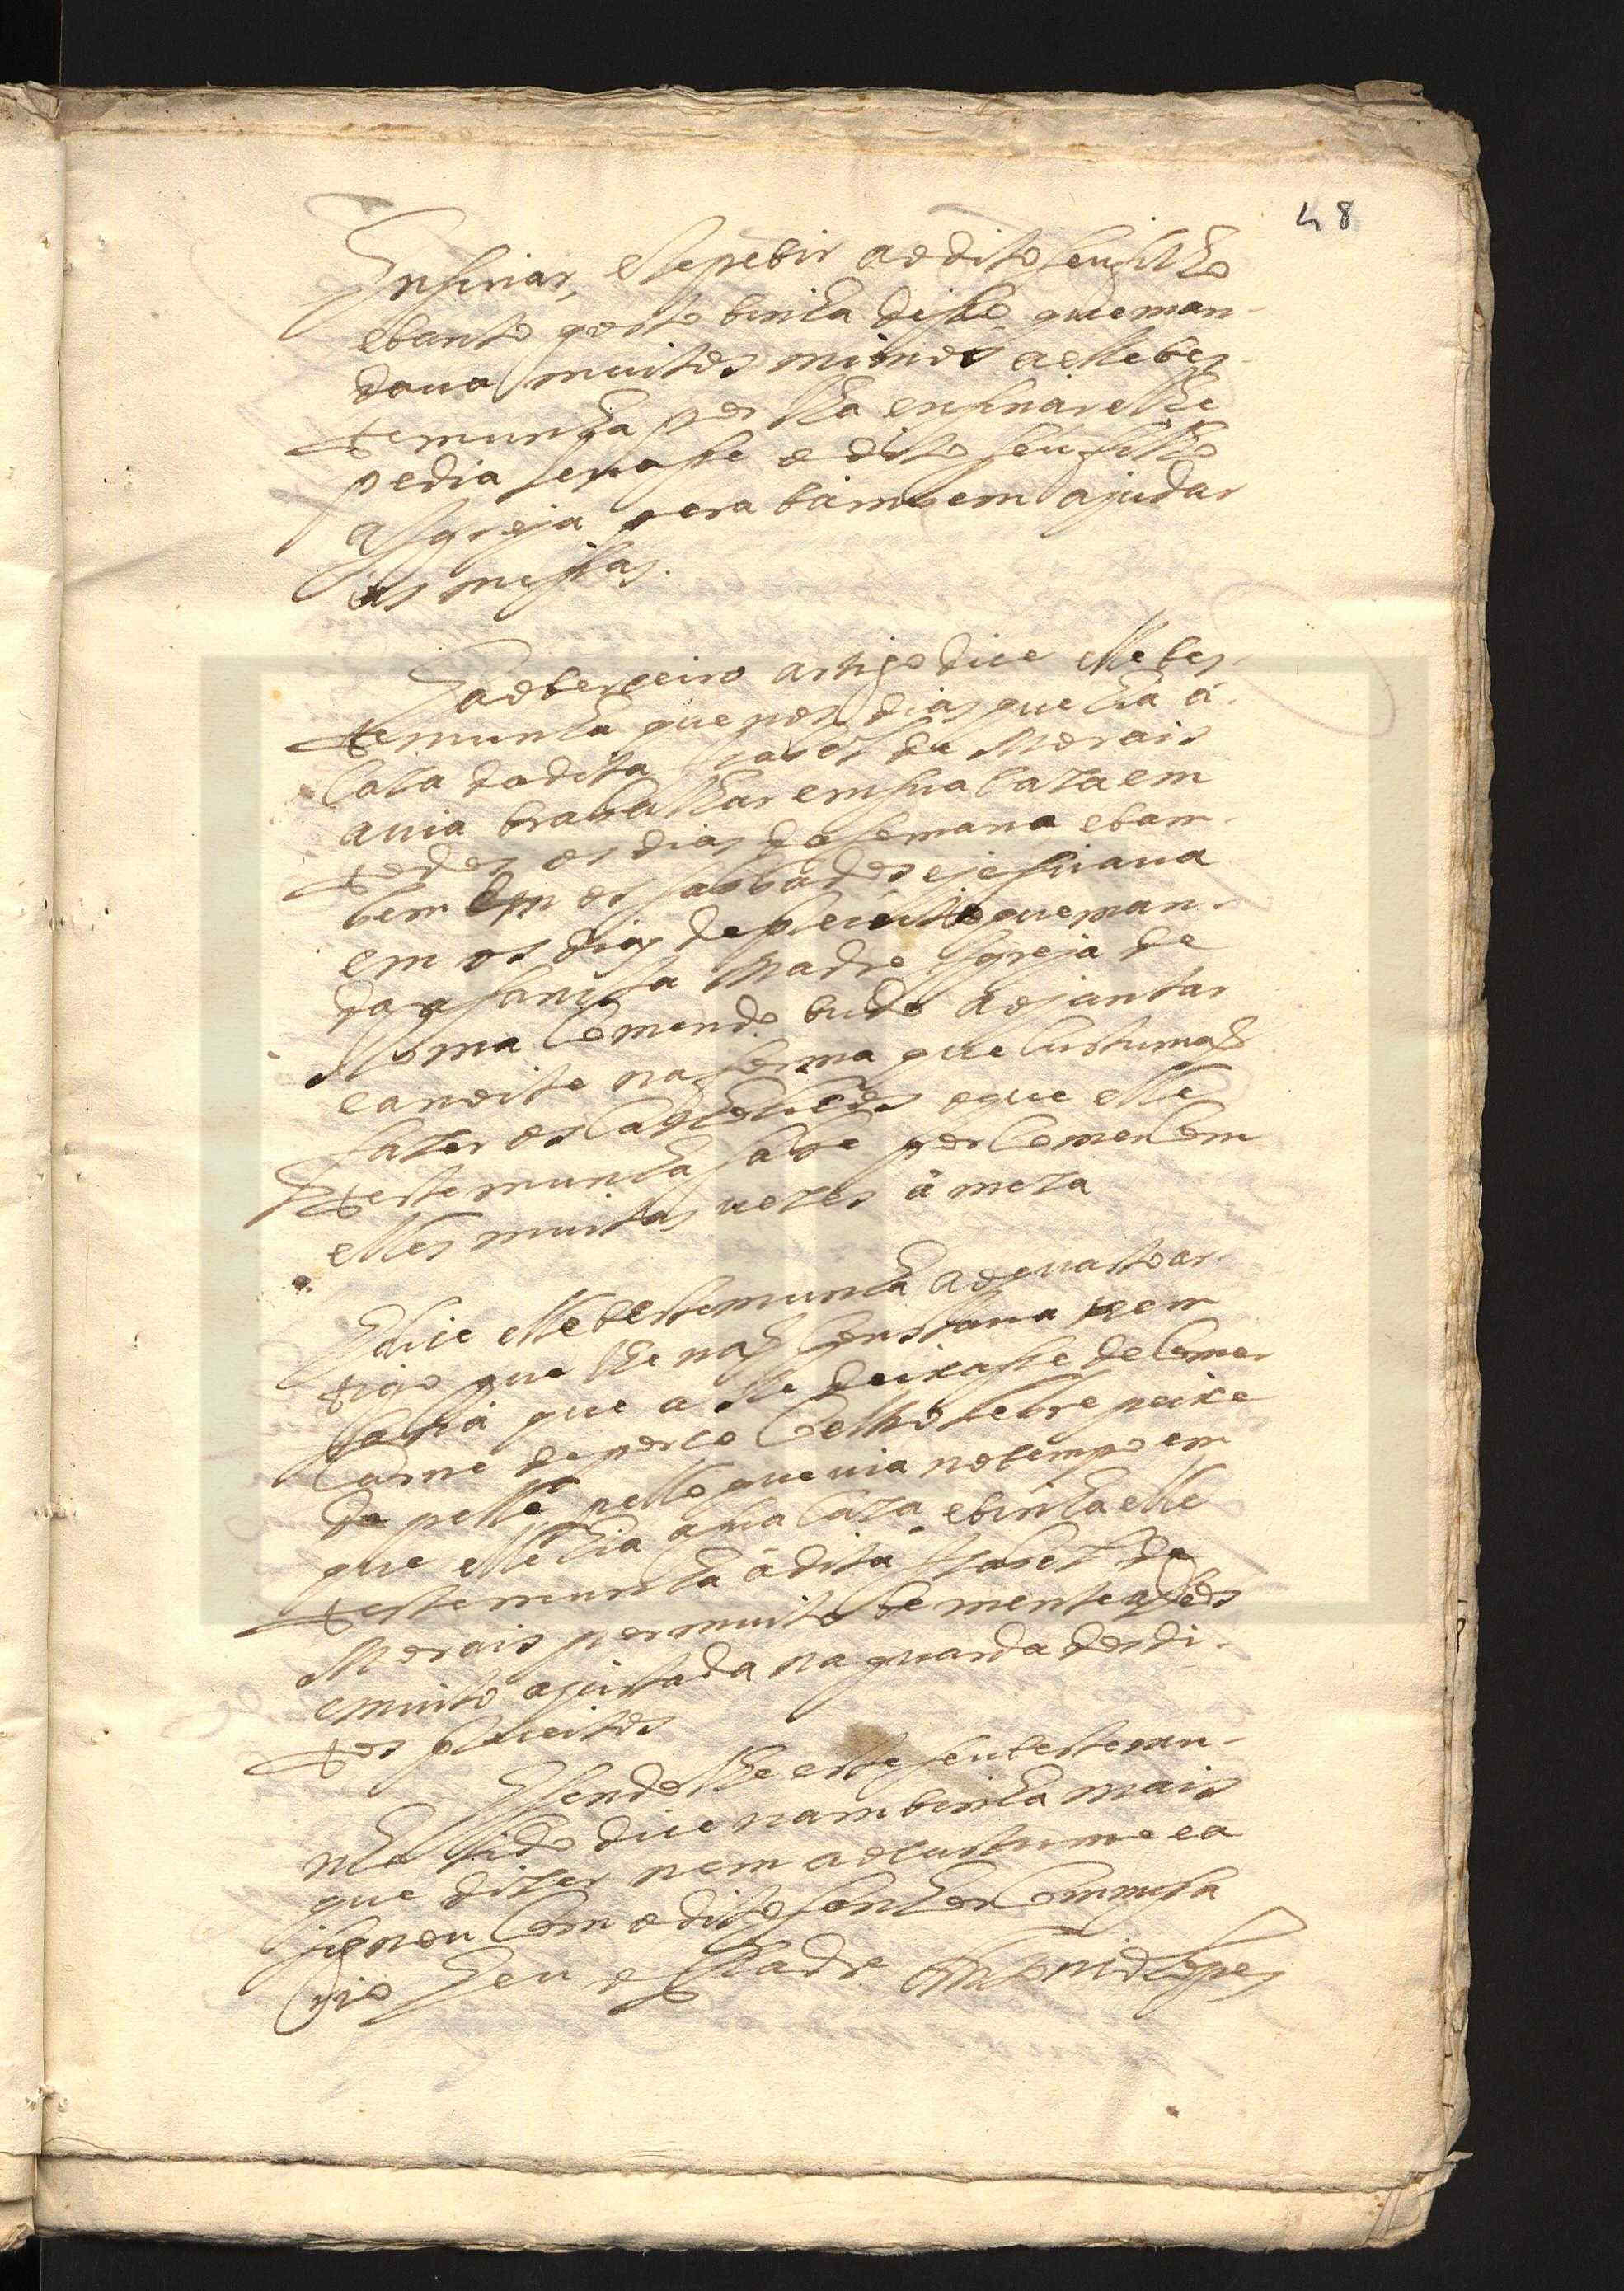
Ensinar, e Repetir ao dito seu filho
e tanto gosto tinha disso que man
dava muitos mimos a elle tes
temunha por lha ensinar e lhe
pedia levasse o dito seu filho
a Jgreja para também ajudar
as missas.
E ao terceiro artigo dice elle tes
temunha que nos dias que hia á
Caza da dita Jzabel de Morais
a via trabalhar em sua caza em
todos os dias da semana e tam
bem em os sabbados e jejuaua
em os dias de preceito que man
da a sancta Madre Igreja de
Roma Comendo tudo ao jantar
e a noite na forma que Custumaõ
fazer os Catholicos o que elle
testemunha sabe por Comer Com
elles muitas uezes á meza
E dice elle testemunha ao quarto ar
tigo que lhe não constava nem
sabia que a Re deixasse de Comer
Carne de porco Coelho Lebre peixe
de pelle pello que via no tempo em
que elle hia a Sua Caza e tinha elle
testemunha á dita Izabel de
Morais por muito temente a Deos
e muiti ajustada na guarda dos di
tos pReceitos
E Sendo lhe este seu testemu
nho lido dice nam tinha mais
que dizer nem ao costume e a
signou com o dito senhor Commisa
rio E eu o Padre Antonio Lopes
